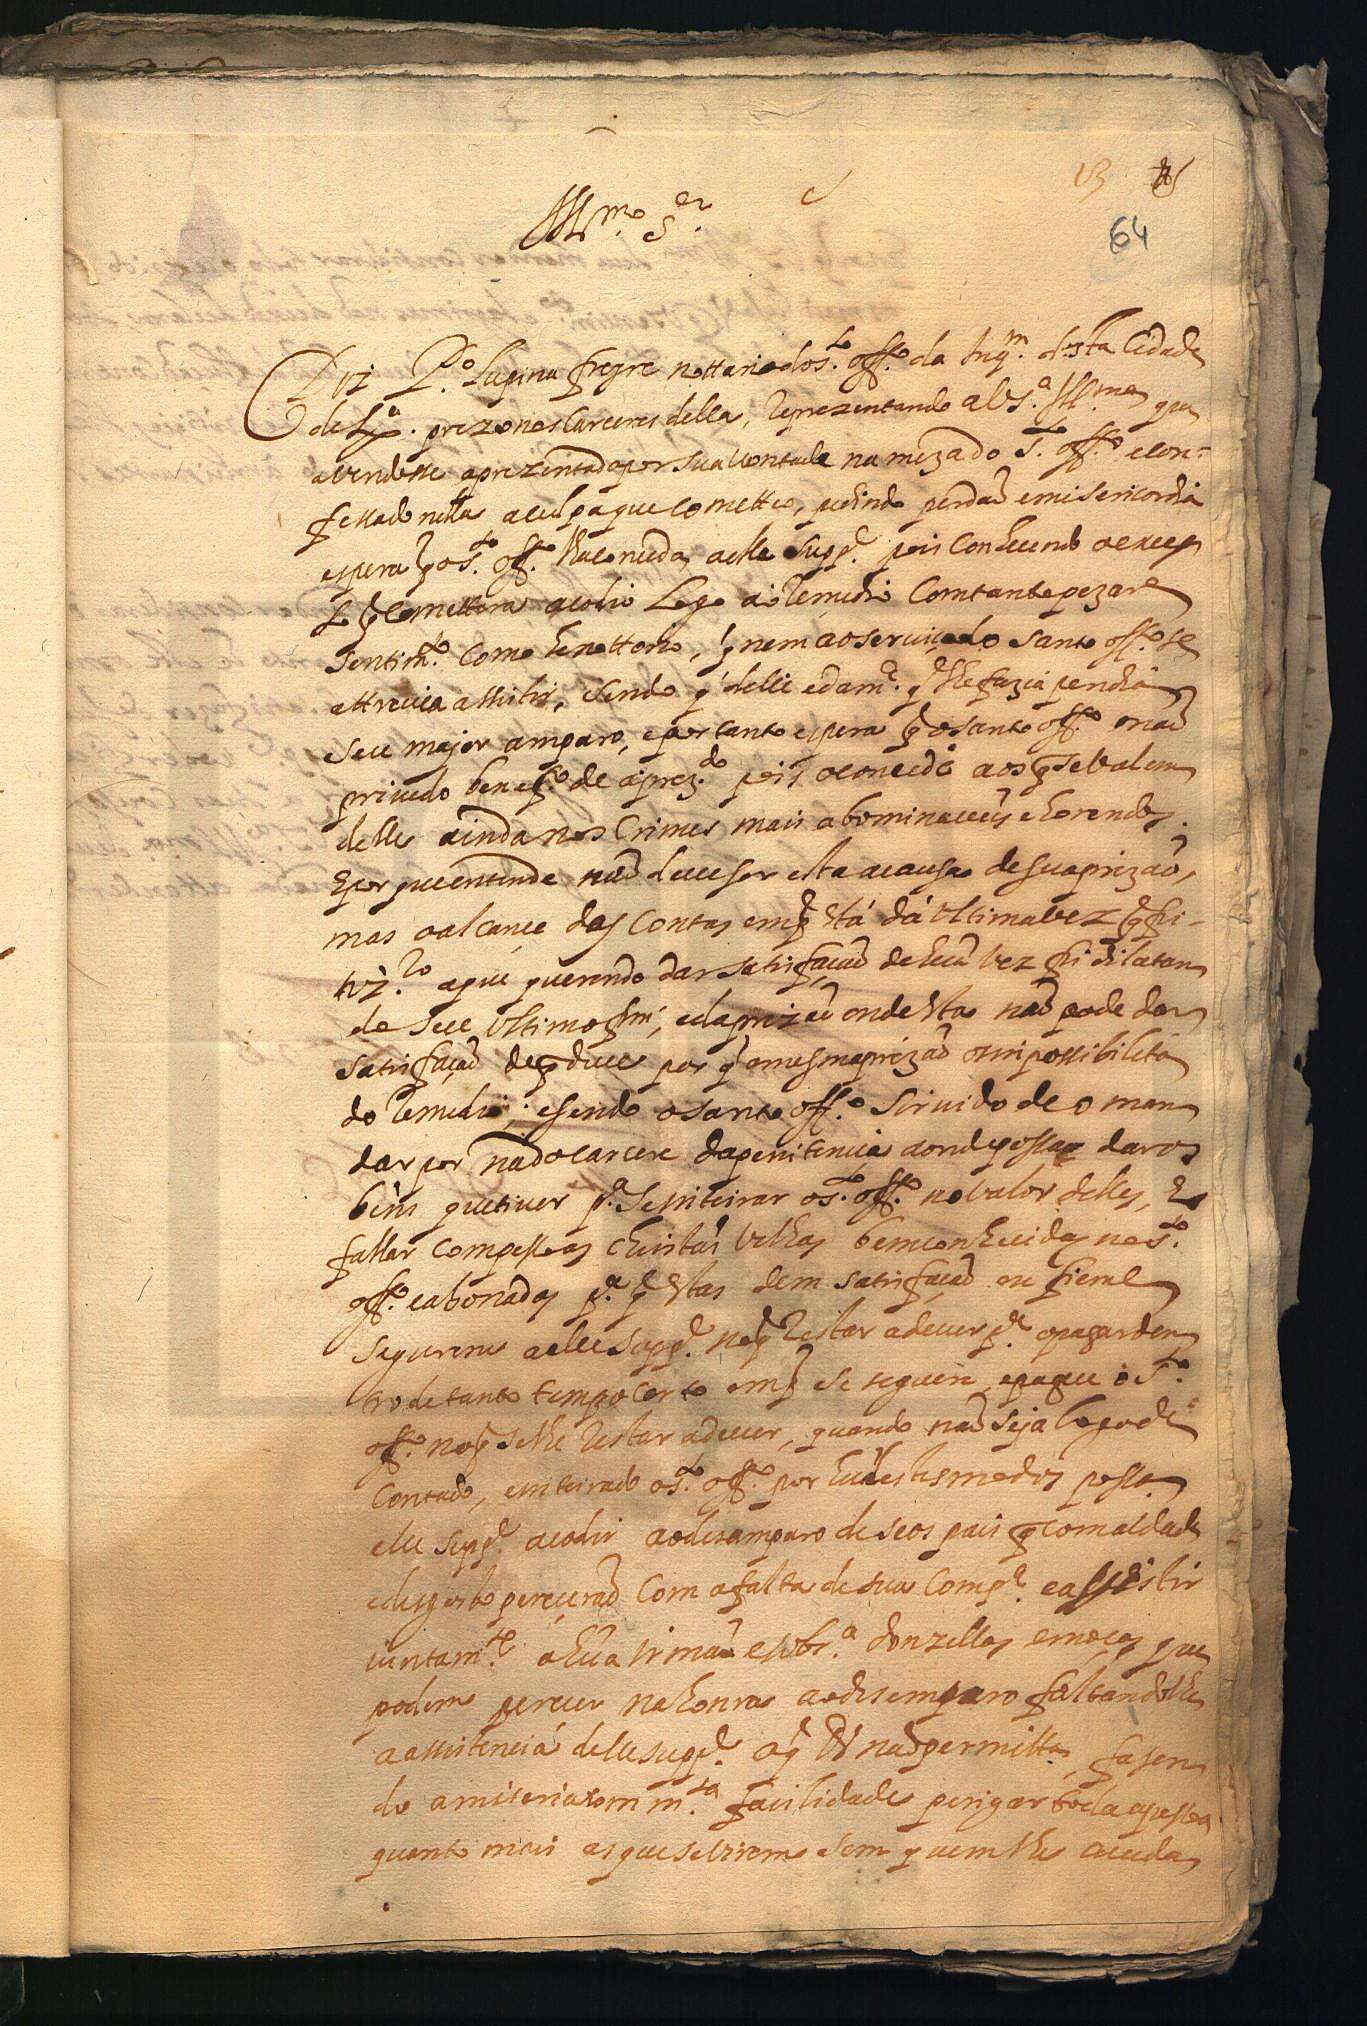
13
Illm.o Sor.
Diz P.o lupina freyre nottario do s.to off.o da Inq.m desta Cidade
de Lxa. prezo nos carceres della, Reprezentando a V s.a Jll.ma que
avendosse aprezentado por sua uontade na meza do s.to off.o e con
fessado nella a culpa que cometteo, pedindo perdaõ e misericordia
espera q̄ o s.to off.o lha conceda, a elle supp.e pois conhecendo o exces
so q̄ comettera acodio Logo ao Remedio com tanto pezar
sentim.to como he nottorio, q̄ nem ao seruiço do santo off.o se
attreuia assistir, sendo q̄ delle e da mce. q̄ lhe fazia pendia
seu major amparo, e portanto espera q̄ o santo off.o o naõ
priue do benef.o de aprez.do pois o concede aos q̄ se valem
delle ainda nos Crimes mais abominaueis e horendos.
E porque entende naõ deue ser esta a causa de sua prizaõ,
mas o alcance das contas em q̄ está da vltima vez q̄ foi
tiz.ro a que querendo dar satisfaçaõ de huā vez foi dilatan
do seu vltimo fim, e da prizaõ onde esta naõ pode dar
satisfaçaõ de q̄ deue porq̄ a mesma prizaõ os impossibilita
do Remedio; e sendo o santo off.o siruido de o man
dar por na do carcere da penitencia aonde possa dar os
bens que tiuer p.a se inteirar o s.to off.o no valor delles, E
fallar com pessoas christās velhas bem conhecidas no s.to
off.o e abonadas p.a q̄ estas dem satisfaçaõ ou fieral
segurem a elle supp.e no q̄ Restar a deuer p.a o pagar den
tro de tanto tempo certo em q̄ se seguir, e pague o S.to
off.o no q̄ se lhe Restar a deuer, quando naõ seja logo de
contado, e inteirado o s.to off.o por hū destes modos possa
elle supp.e acodir ao desamparo de seos pais q̄ com a idade
e desgosto pereceraõ com a falta de sua compa. e assistir
iuntam.te a hūa irmaā e sobr.a donzellas e moças que
podem perecer na honra ao desemparo faltandolhe
a assistencia delle supp.e o q̄ Ds̄ naõ permitta, fasen
do a miseria com m.ta facilidade perigar toda a pessoa
quanto mais as que se virem sem quem lhe acuda
